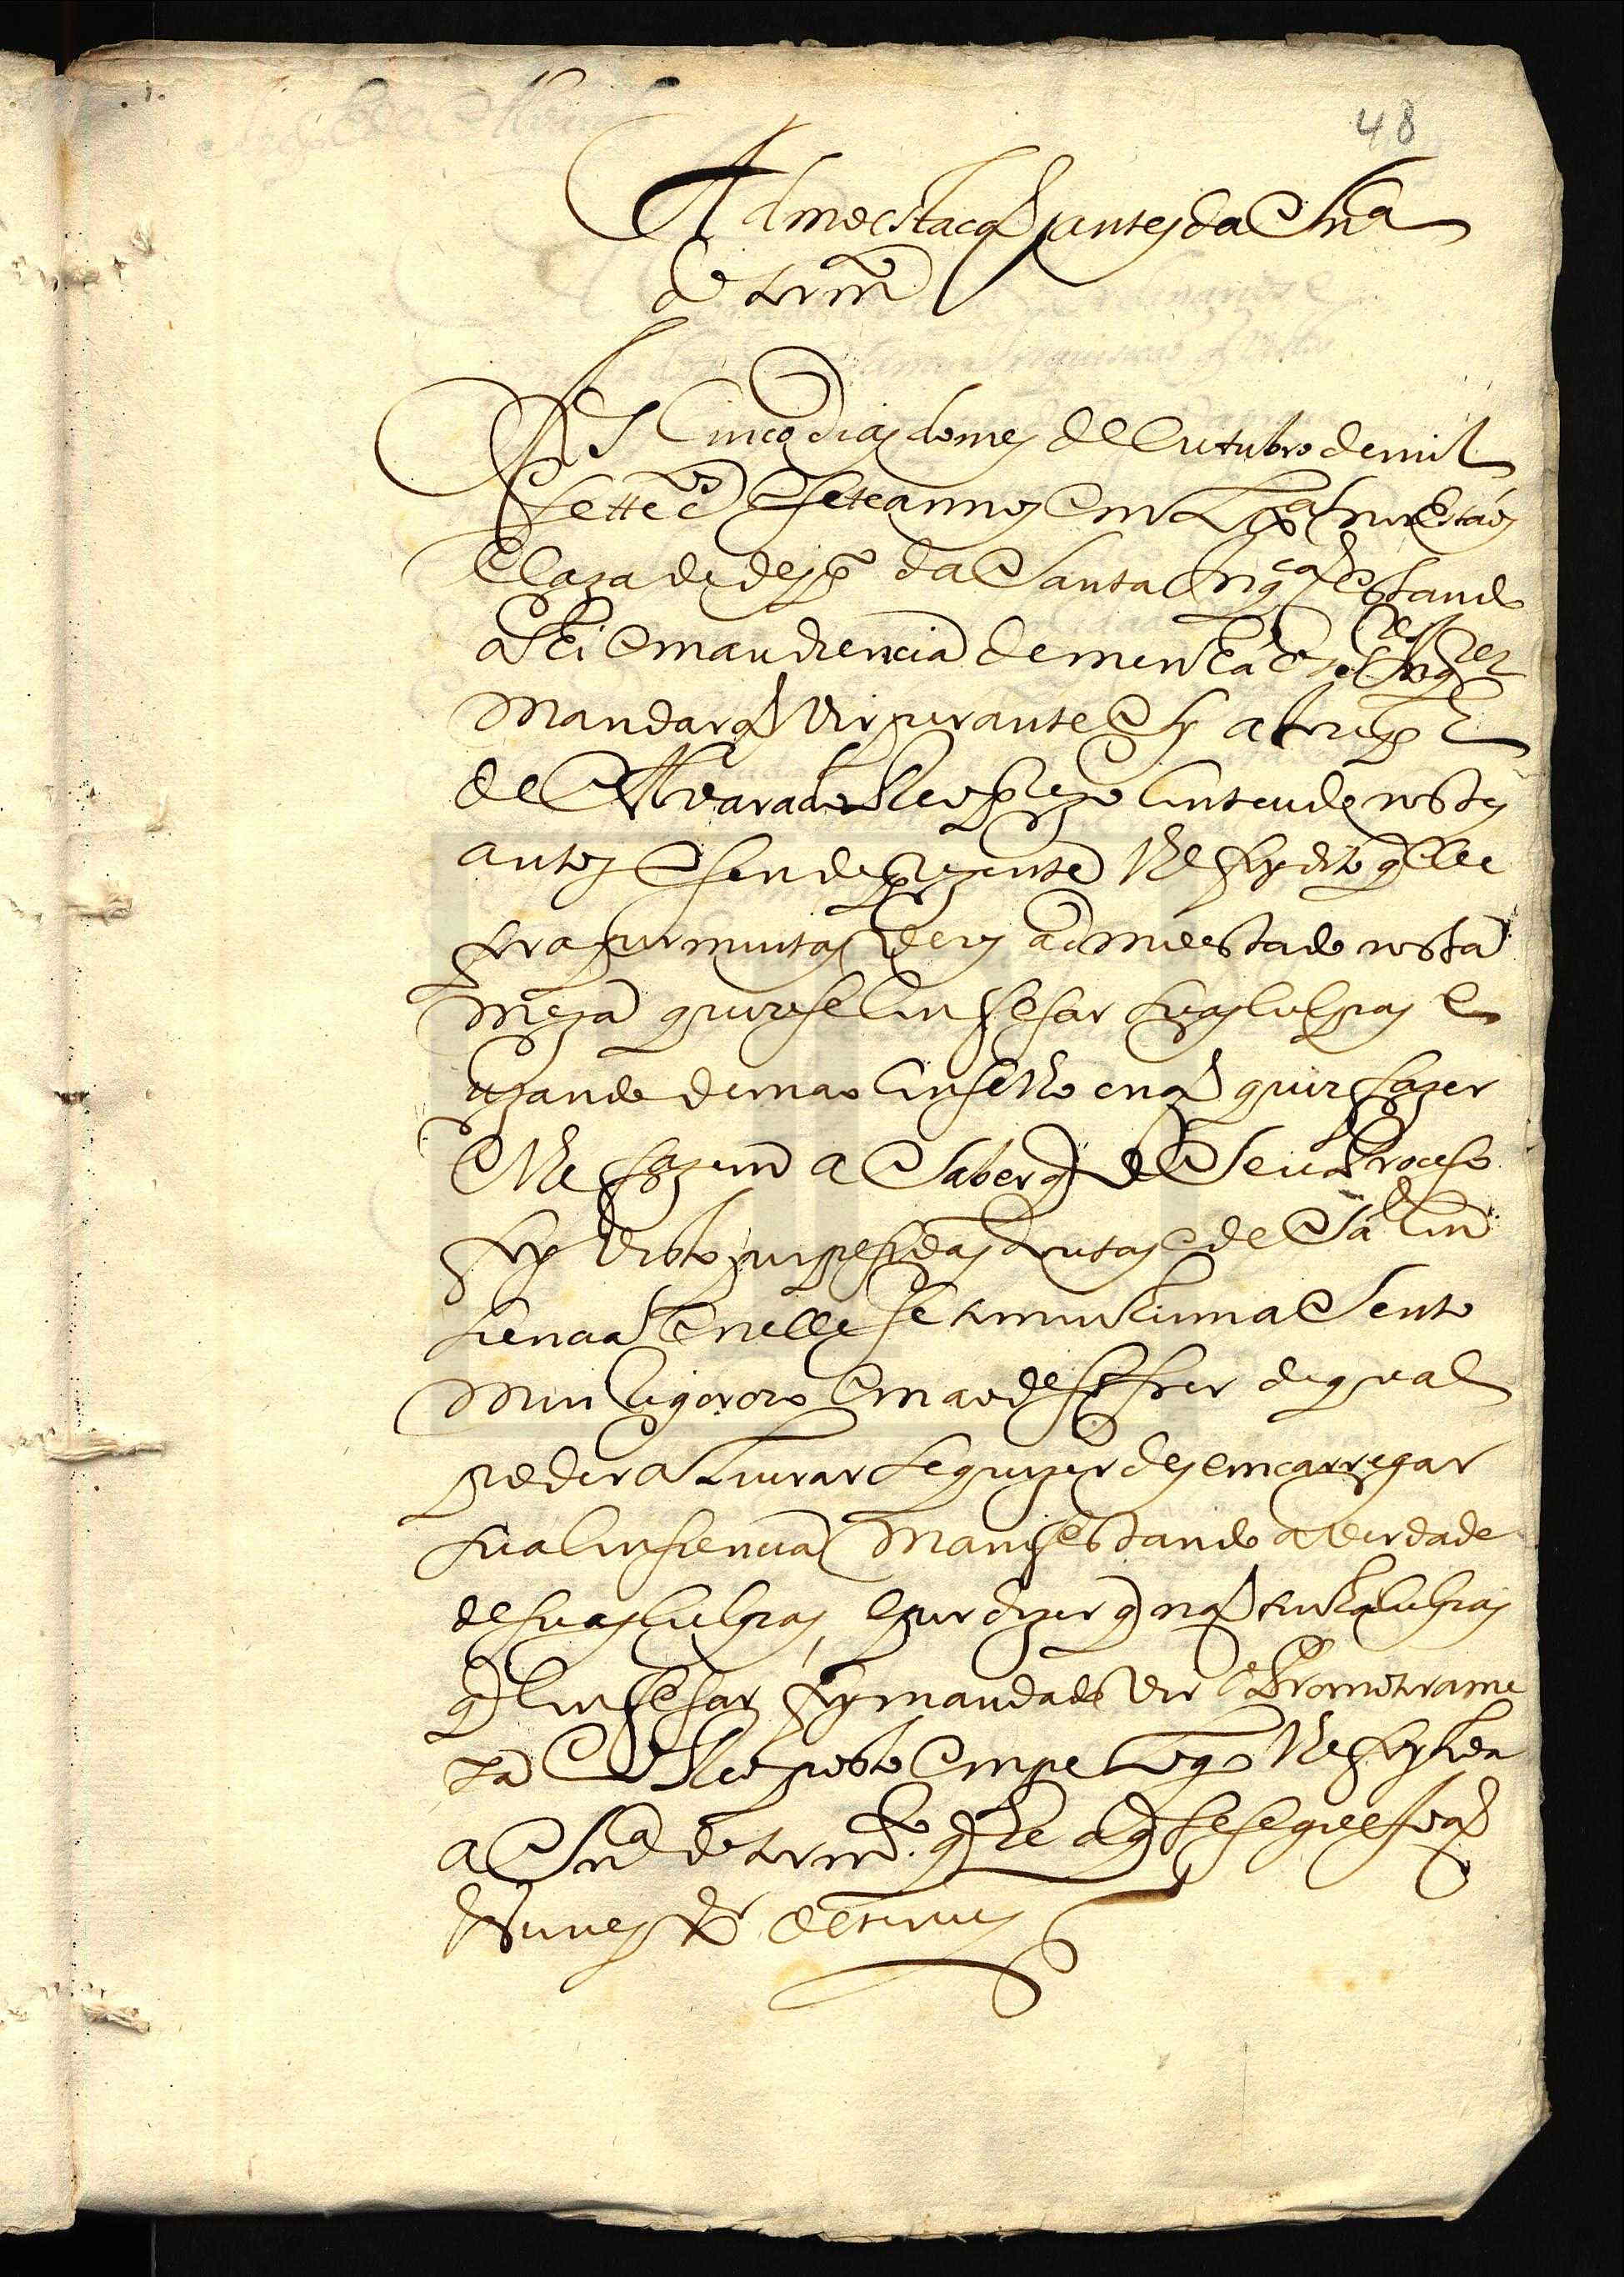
Admoestaçaõ antes da Snça
do torm.to
Aos Cinco dias do mes de Outubro de mil
settectos e sete annos em Lxa nos Estáos
E Caza do despo da Santa Inqçaõ estando
ahi em audiencia de menhã os sres Inqres
mandaraõ vir perante Sy a Iozeph
de Alvarado Reo prezo Conteudo nestes
autos e sendo prezente lhe foy dito q̄ elle
fora por muitas vezes admoestado nesta
meza quizesse Confesar suas Culpas e
uzando de mao Conselho e naõ quiz fazer
e lhe fazem a Saber q̄ Seu Proceso
foy visto por pessoas direitas e de Sã Con
siencia e nelle se tomou hum aSento
mui Rigorozo em ao de sofrer de qoal
podera Liurar se quizer desemcarregar
sua Consiencia manifestando a verdade
de suas Culpas, e por dizer q̄ naõ tinha Culpas
q̄ Confesar foy mandado vir o Promotor a me
za e o Reo posto em pe Logo lhe foy Lida
a Snça do torm.to q̄ he a q̄ se segue Joaõ
Nunes Xer o escreuj
